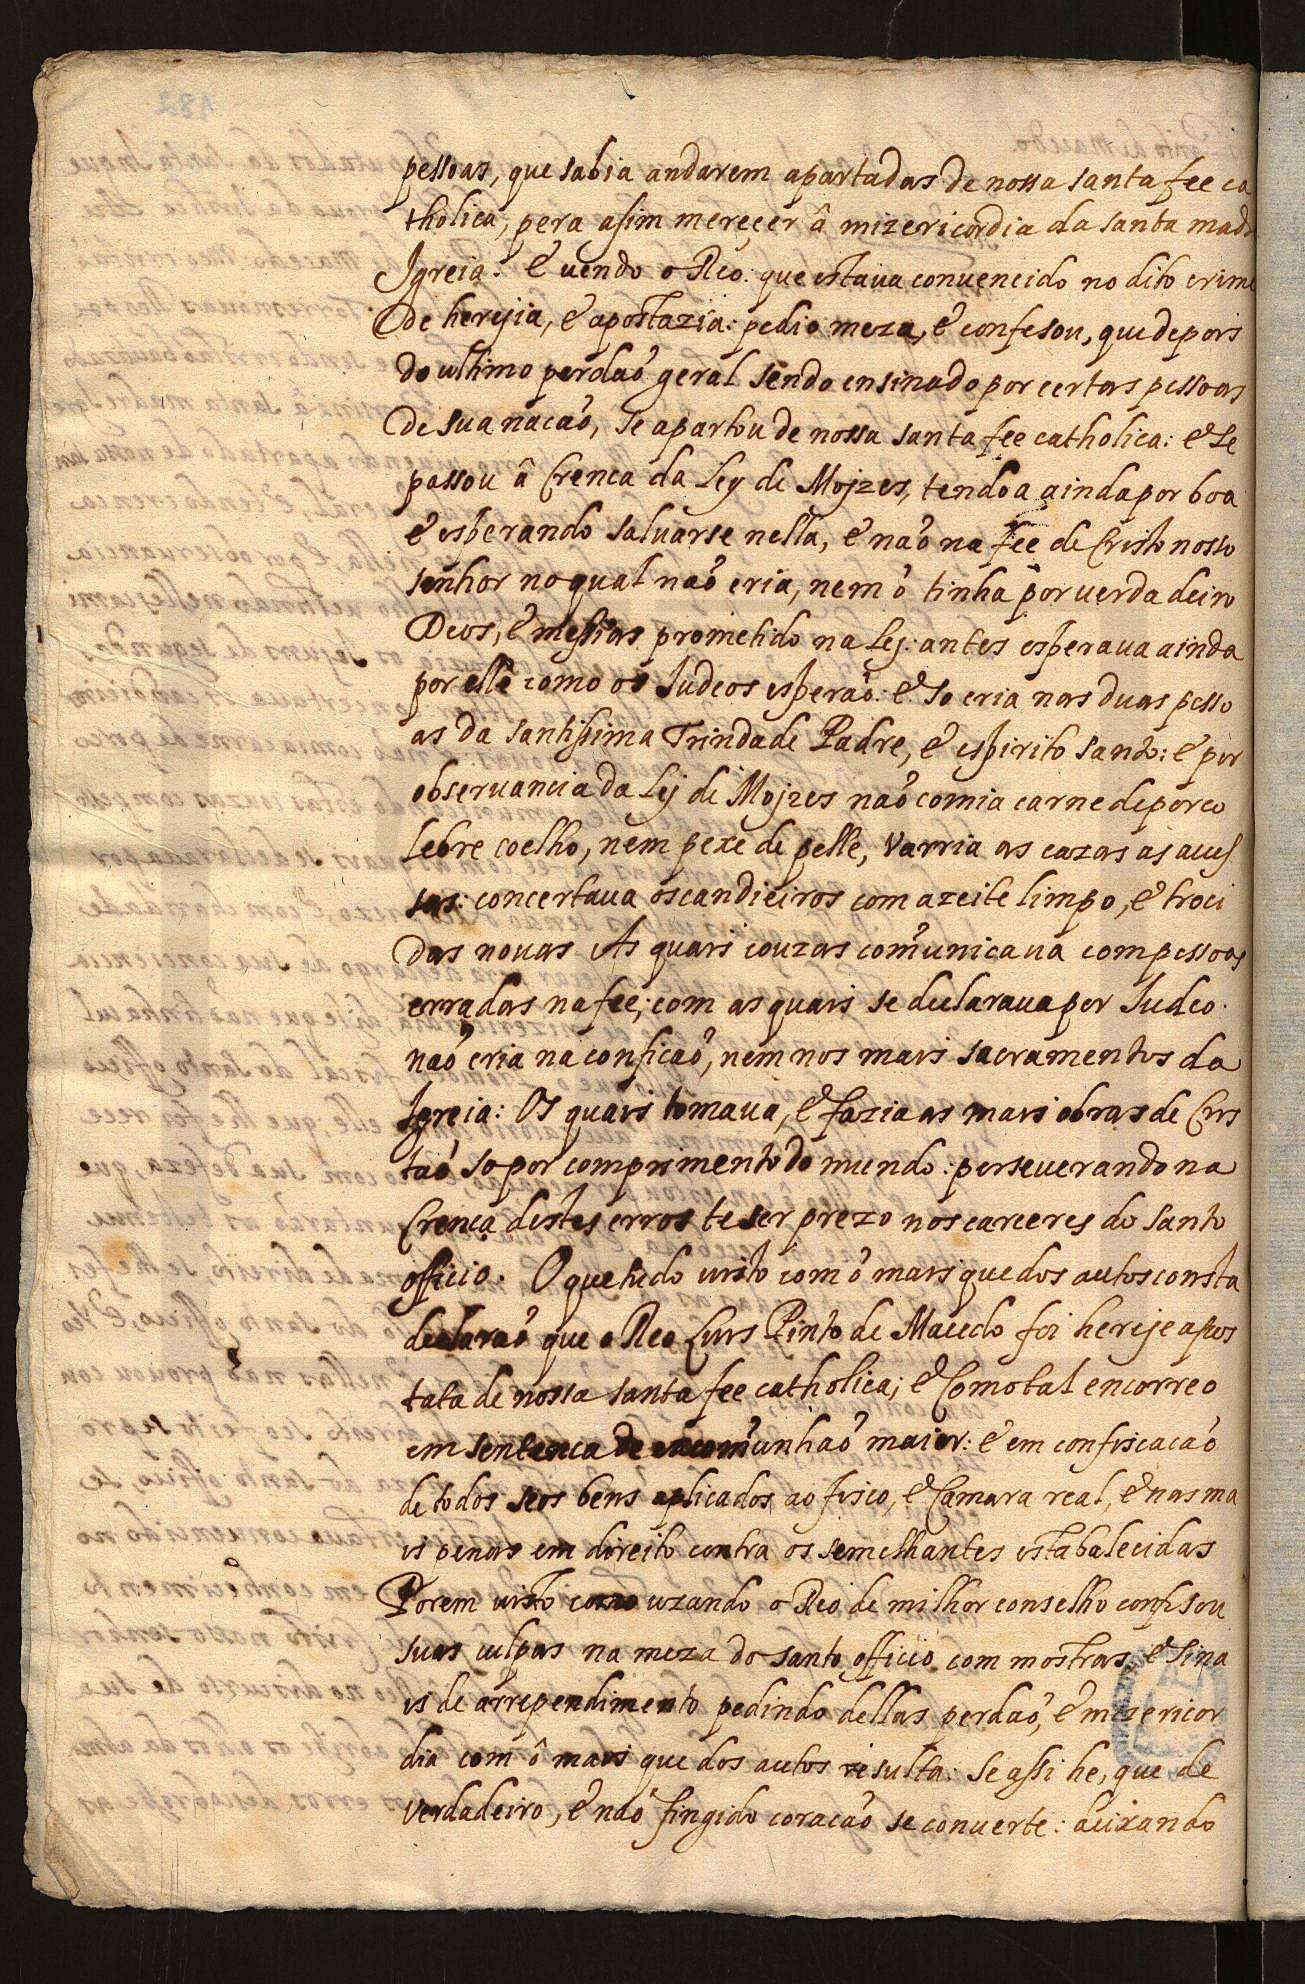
pessoas, que sabia andarem apartadas de nossa santa fee ca
tholica, pera asim merecer â mizericordia da santa madr
Igreia. e uendo o Reo: que estaua conuencido no dito crim
de herejia, e apostazia: pedio meza, e confesou, que depois
do ultimo perdão geral sendo ensinado por certas pessoas
de sua naçaõ, se apartou de nossa santa fee catholica: e se
passou â Crença da Ley de Mojzes, tendo a ainda por boa
e esperando saluarse nella, e naõ na fee de Cristo nosso
senhor no qual naõ cria, nem ó tinha por uerdadeiro
Deos, e messias prometido na Lej antes esperaua ainda
por elle como os Iudeos esperaõ: e so cria nas duas pesso
as da santissima Trindade Padre, e espirito santo: e por
obseruancia da Lej de Mojzes naõ comia carne de porco
Lebre coelho, nem pexe de pelle, varria as cazas as aues
sas concertaua os candieiros com azeite limpo, e troci
das nouas As quais couzas com̄unicaua com pessoas
erradas na feé; com as quais se declaraua por Iudeo
naõ cria na confiçaõ, nem nos mais sacramentos da
Igreia: Os quais tomaua, e fazia as mais obras de Cris
taõ so por comprimento do mundo: perseuerando na
Crença destes erros te ser prezo nos carceres do santo
officio. O que tudo uisto com o mais que dos autos consta
declaraõ que o Reo Luis Pinto de Macedo foi hereje apos
tata de nossa santa fee catholica; e Como tal encorreo
em sentença de excom̄unhaõ maior: e em confiscaçaõ
de todos seos bens aplicados ao fisco, e Camara real, e nas ma
is penas em direito contra os semelhantes estabalecidas
Porem uisto como uzando o Reo de milhor conselho confesou
suas culpas na meza do santo officio com mostras, e sina
is de arrependimento pedindo dellas perdaõ, e mizericor
dia com o mais que dos autos resulta: se assi he, que de
verdadeiro, e naõ fingido coraçaõ se conuerte: deixando
